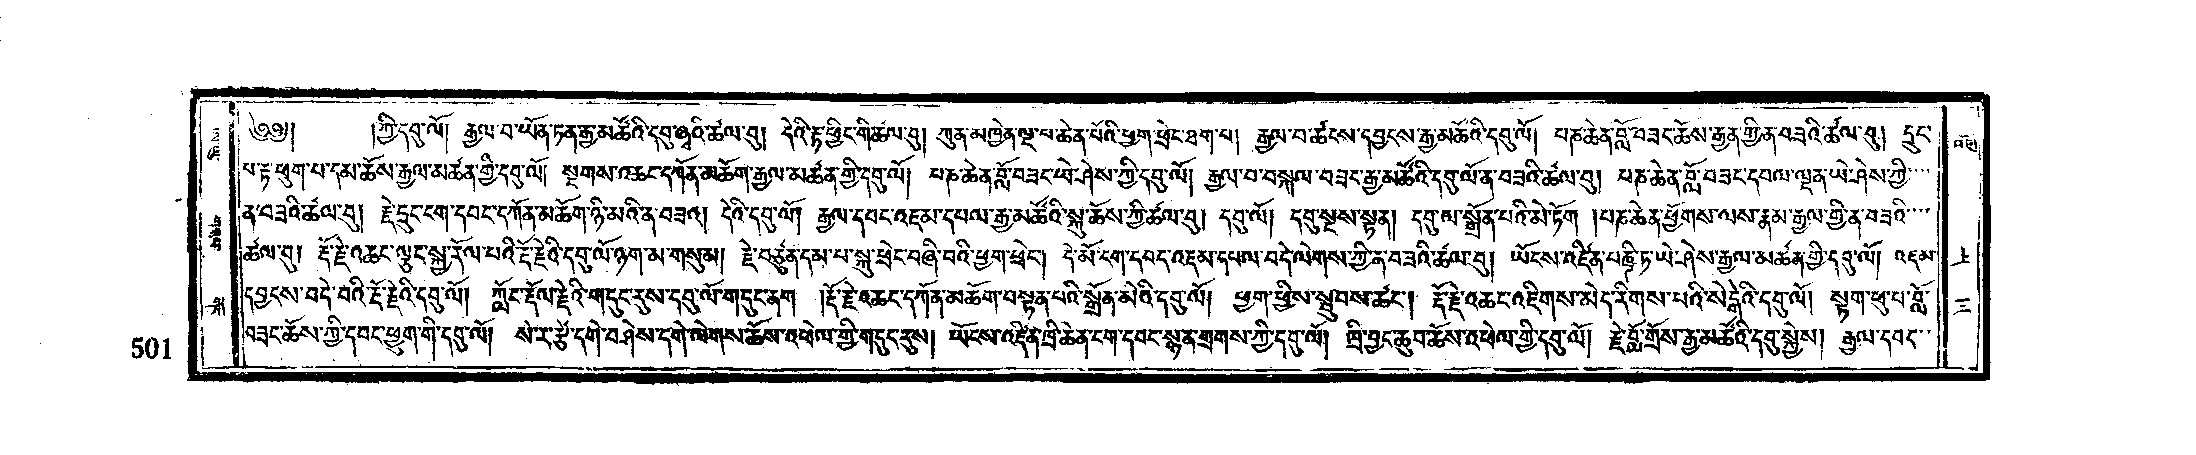༄༅། །ཀྱི་དབུ་ལོ། རྒྱལ་བ་ཡོན་ཏན་རྒྱ་མཚོའི་དབུ་ཞྭའི་ཚལ་བུ། དེའི་རྟ་ཕྱིང་གི་ཚལ་བུ། ཀུན་མཁྱེན་ལྔ་པ་ཆེན་པོའི་ཕྱག་ཕྲེང་ཐག་པ། རྒྱལ་བ་ཚངས་དབྱངས་རྒྱ་མཚོའི་དབུ་ལོ། པཎ་ཆེན་བློ་བཟང་ཆོས་རྒྱན་གྱི་ན་བཟའི་ཚལ་བུ། དྲུང་
པ་རྟ་ཕུག་པ་དམ་ཆོས་རྒྱལ་མཚན་གྱི་དབུ་ལོ། སྔགས་འཆང་དཀོན་མཆོག་རྒྱལ་མཚན་གྱི་དབུ་ལོ། པཎ་ཆེན་བློ་བཟང་ཡེ་ཤེས་ཀྱི་དབུ་ལོ། རྒྱལ་བ་བསྐལ་བཟང་རྒྱ་མཚོའི་དབུ་ལོ་ན་བཟའི་ཚལ་བུ། པཎ་ཆེན་བློ་བཟང་དཔལ་ལྡན་ཡེ་ཤེས་ཀྱི་
ན་བཟའི་ཚལ་བུ། རྗེ་དྲུང་ངག་དབང་དཀོན་མཆོག་ཉི་མའི་ན་བཟའ། དེའི་དབུ་ལོ། རྒྱལ་དབང་འཇམ་དཔལ་རྒྱ་མཚོའི་སྐུ་ཆོས་ཀྱི་ཚལ་བུ། དབུ་ལོ། དབུ་སྔས་སྟན། དབུ་ལ་སྒྲོན་པའི་མེ་ཏོག །པཎ་ཆེན་ཕྱོགས་ལས་རྣམ་རྒྱལ་གྱི་ན་བཟའི་
ཚལ་བུ། རྡོ་རྗེ་འཆང་ལྕང་སྐྱ་རོལ་པའི་རྡོ་རྗེའི་དབུ་ལོ་ཉག་མ་གསུམ། རྗེ་བཙུན་དམ་པ་སྐུ་ཕྲེང་བཞི་བའི་ཕྱག་ཕྲེང་། དེ་མོ་ངག་དབང་འཇམ་དཔལ་བདེ་ལེགས་ཀྱི་ན་བཟའི་ཚལ་བུ། ཡོངས་འཛིན་པཎྜི་ཏ་ཡེ་ཤེས་རྒྱལ་མཚན་གྱི་དབུ་ལོ། འཇམ་
དབྱངས་བདེ་བའི་རྡོ་རྗེའི་དབུ་ལོ། ཀློང་རྡོལ་རྗེའི་གདུང་རུས་དབུ་ལོ་གདུང་ནག །རྡོ་རྗེ་འཆང་དཀོན་མཆོག་བསྟན་པའི་སྒྲོན་མེའི་དབུ་ལོ། ཕྱག་ཕྱིས་སྦུབས་ཚང་། རྡོ་རྗེ་འཆང་འཇིགས་མེད་རིགས་པའི་སེངྒེའི་དབུ་ལོ། སྟག་ཕུ་པ་བློ་
བཟང་ཆོས་ཀྱི་དབང་ཕྱུག་གི་དབུ་ལོ། སེ་ར་རྩེ་དགེ་བཤེས་དགེ་ལེགས་ཆོས་འཕེལ་གྱི་གདུང་རུས། ཡོངས་འཛིན་ཁྲི་ཆེན་ངག་དབང་སྙན་གྲགས་ཀྱི་དབུ་ལོ། ཁྲི་བྱང་ཆུབ་ཆོས་འཕེལ་གྱི་དབུ་ལོ། རྗེ་བློ་གྲོས་རྒྱ་མཚོའི་དབུ་སྐྱེས། རྒྱལ་དབང་